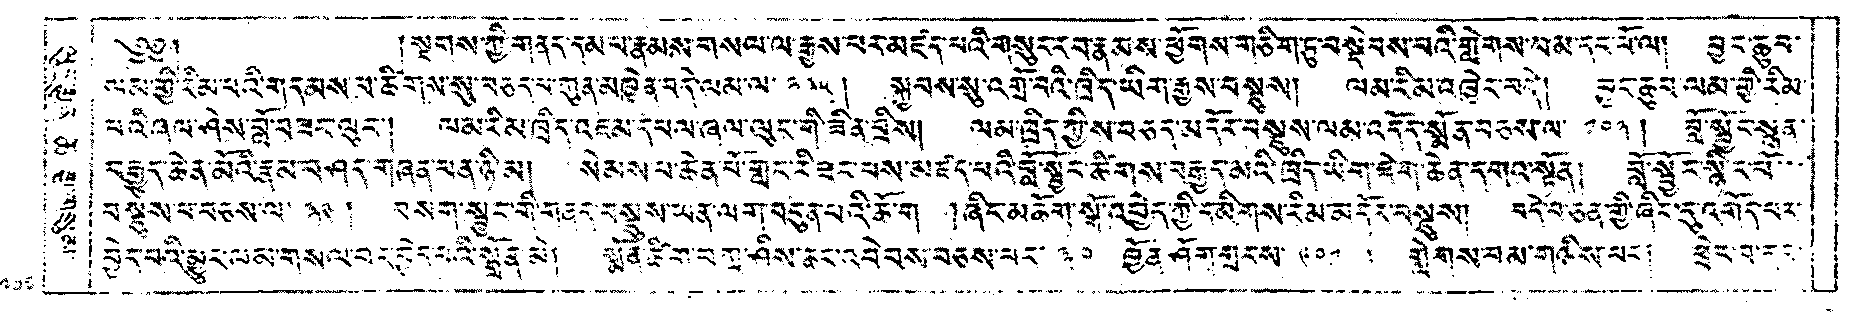༄༅། །སྔགས་ཀྱི་གནད་དམ་པ་རྣམས་གསལ་ལ་རྒྱས་པར་མཛད་པའི་གསུང་རབ་རྣམས་ཕྱོགས་གཅིག་ཏུ་བསྡེབས་པའི་གླེགས་བམ་དང་པོ་ལ། བྱང་ཆུབ་
ལམ་གྱི་རིམ་པའི་གདམས་པ་ཚིགས་སུ་བཅད་པ་ཀུན་མཁྱེན་བདེ་ལམ་ལ ༢༣༥། སྐྱབས་སུ་འགྲོ་བའི་ཁྲིད་ཡིག་རྒྱས་བསྡུས། ལམ་རིམ་འཁྱེར་བདེ། བྱང་ཆུབ་ལམ་གྱི་རིམ་
པའི་ཞལ་ཤེས་བློ་བཟང་ལུང་། ལམ་རིམ་ཁྲིད་འཇམ་དཔལ་ཞལ་ལུང་གི་ཟིན་བྲིས། ལམ་ཁྲིད་ཀྱི་ས་བཅད་མདོར་བསྡུས་ལམ་འདོད་སྨོན་བཅས་ལ ༡༠༢། བློ་སྦྱོང་སྙན་
བརྒྱུད་ཆེན་མོའི་རྣམ་བཤད་གཞན་ཕན་ཉི་མ། སེམས་པ་ཆེན་པོ་གླང་རི་ཐང་པས་མཛད་པའི་བློ་སྦྱོང་ཚིགས་བརྒྱད་མའི་ཁྲིད་ཡིག་ཐེག་ཆེན་དགའ་སྟོན། བློ་སྦྱོང་སྙིང་པོ་
བསྡུས་པ་བཅས་ལ ༣༤། བསག་སྦྱང་གི་གནད་བསྡུས་ཡན་ལག་བདུན་པའི་ཆོ་ག །ཞིང་མཆོག་སྒོ་འབྱེད་ཀྱི་དམིགས་རིམ་མདོར་བསྡུས། བདེ་བ་ཅན་གྱི་ཞིང་དུ་འགོད་པར་
བྱེད་པའི་མྱུར་ལམ་གསལ་བར་བྱེད་པའི་སྒྲོན་མེ། སྨོན་ཚིག་བཀྲ་ཤིས་ཆར་འབེབས་བཅས་པར ༣༠་ཁྱོན་ཤོག་གྲངས ༤༠༡། གླེགས་བམ་གཉིས་པར། ཕྲེང་བ་དང་